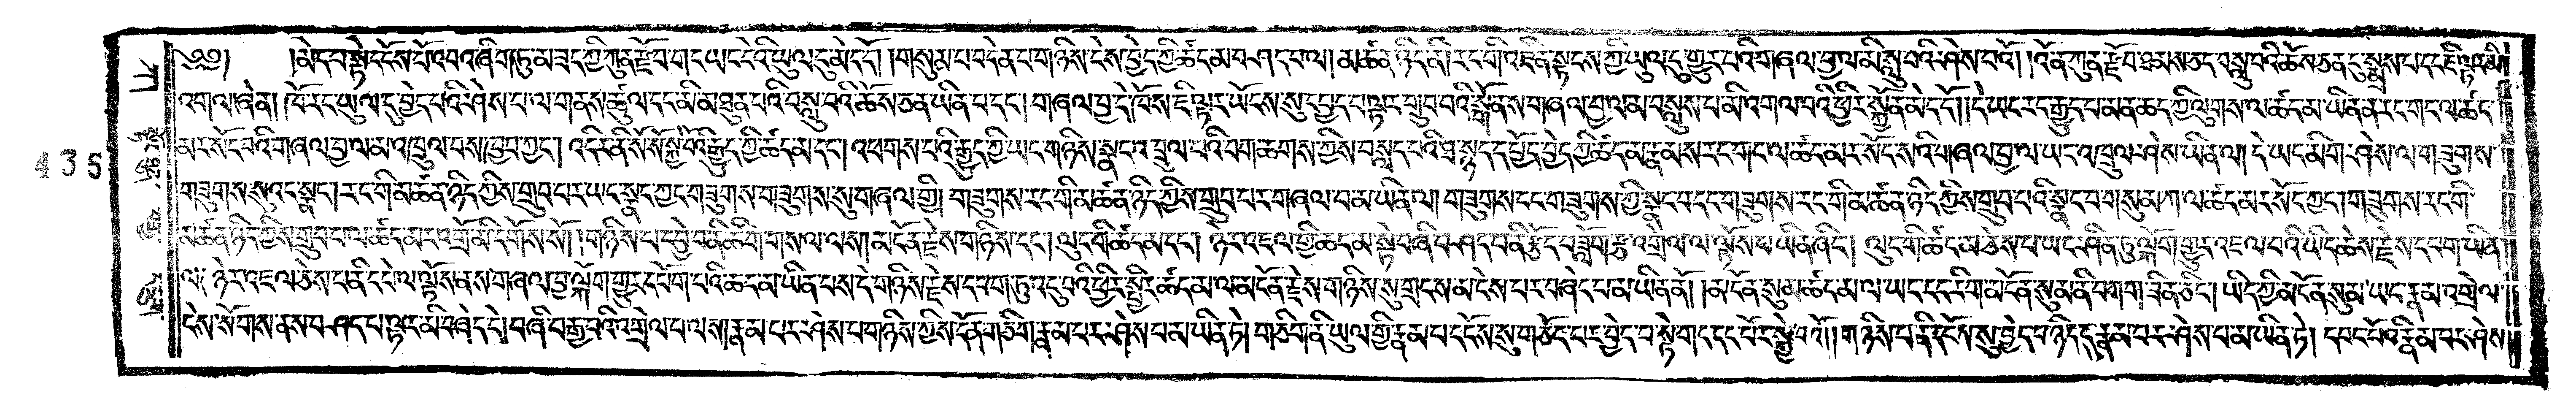༄༅། །མེད་པ་སྟེ་དངོས་པོ་འབའ་ཞིག་ཏུ་མ་ཟད་ཀྱི་ཀུན་རྫོབ་གང་ཡང་དེའི་ཡུལ་དུ་མེད་དོ། །གསུམ་པ་བདེན་པ་གཉིས་ངེས་བྱེད་ཀྱི་ཚད་མ་བཤད་བ་ལ། མཚན་ཉིད་ནི། རང་གི་འཛིན་སྟངས་ཀྱི་ཡུལ་དུ་གྱུར་པའི་གཞལ་བྱ་ལ་མི་སླུ་བའི་ཤེས་པའོ། །འོ་ན་ཀུན་རྫོབ་ཐམས་ཅད་བསླུ་བའི་ཆོས་ཅན་དུ་སྨྲས་པ་དང་ཇི་ལྟར་མི་
འགལ་ཞེ་ན། ཁོ་རང་ཡུལ་དུ་བྱེད་པའི་ཤེས་པ་ལ་གནས་ཚུལ་དང་མི་མཐུན་པའི་བསླུ་བའི་ཆོས་ཅན་ཡིན་པ་དང་། གཞལ་བྱ་དེ་ཁོས་ཇི་ལྟར་ཡོངས་སུ་དཔྱད་པ་ལྟར་གྲུབ་པའི་སྒོ་ནས་གཞལ་བྱ་ལམ་བསླུས་པ་མི་འགྲལ་བའི་ཕྱིར་སྐྱོན་མེད་དོ། །དེ་ཡང་རང་རྒྱུད་པ་མན་ཆད་ཀྱི་ལུགས་ལ་ཚད་མ་ཡིན་ན་རང་གང་ལ་ཚད་
མང་སོང་བའི་གཞལ་བྱ་ལ་མ་འཁྲུལ་བས་ཁྱབ་ཀྱང་། འདིར་ནི་སོ་སོ་སྐྱེ་བོའི་རྒྱུད་ཀྱི་ཚད་མ་དང་། འཕགས་པའི་རྒྱུད་ཀྱི་ཡང་གཉིས་སྣང་འཁྲུལ་པའི་བག་ཆགས་ཀྱིས་བསླད་པའི་ཐ་སྙད་དཔྱོད་བྱེད་ཀྱི་ཚད་མ་རྣམས་རང་གང་ལ་ཚད་མར་སོང་སའི་གཞལ་བྱ་ལ་ཡང་འཁྲུལ་ཤེས་ཡིན་ལ། དེ་ཡང་མིག་ཤེས་ལ་གཟུགས་
གཟུགས་སུའང་སྣང་། རང་གི་མཚན་ཉིད་ཀྱིས་གྲུབ་པར་ཡང་སྣང་ཀྱང་གཟུགས་གཟུགས་སུ་གཞལ་གྱི། གཟུགས་རང་གི་མཚན་ཉིད་ཀྱིས་གྲུབ་པར་གཞལ་བ་མ་ཡིན་ལ། གཟུགས་དང་གཟུགས་ཀྱི་སྣང་བ་དང་གཟུགས་རང་གི་མཚན་ཉིད་ཀྱིས་གྲུབ་པའི་སྣང་བ་གསུམ་ཀ་ལ་ཚད་མར་སོང་ཀྱང་། གཟུགས་རང་གི་
མཚན་ཉིད་ཀྱིས་གྲུབ་པ་ལ་ཚད་མར་འགྲོ་མི་དགོས་སོ། །གཉིས་པ་དབྱེ་བ་ནི་ཚིག་གསལ་ལས། མངོན་རྗེས་གཉིས་དང་། ལུང་གི་ཚད་མ་དང་། ཉེར་འཇལ་གྱི་ཚད་མ་སྟེ་བཞི་བཤད་བ་ནི་རྩོད་བཟློག་རྩ་འགྲེལ་ལ་ལྟོས་པ་ཡིན་ཞིང་། ལུང་གི་ཚད་མ་ཅེས་པ་ཡང་ཤིན་ཏུ་ལྐོག་གྱུར་འཇལ་བའི་ཡིད་ཆེས་རྗེས་དཔག་ཡིན་
ལ༑ ཉེར་འཇལ་ཅེས་པ་ནི་དཔེ་ལ་ལྟོས་ནས་གཞལ་བྱ་ལྐོག་གྱུར་དཔོག་པའི་ཚད་མ་ཡིན་པས་དེ་གཉིས་རྗེས་དཔག་ཏུ་འདུ་བའི་ཕྱིར་སྤྱིར་ཚད་མ་ལ་མངོན་རྗེས་གཉིས་སུ་གྲངས་མ་ངེས་པར་བཞེད་པ་མ་ཡིན་ནོ། །མངོན་སུམ་ཚད་མ་ལ་ཡང་དང་རིག་མངོན་སུམ་ནི་བཀག་ཟིན་ཅིང་། ཡིད་ཀྱི་མངོན་སུམ་ཡང་རྣམ་འགྲེལ་
ངེས་སོགས་ནས་བཤད་པ་ལྟར་མི་བཞེད་དེ། བཞི་བརྒྱ་པའི་འགྲེལ་པ་ལས། རྣམ་པར་ཤེས་པ་གཉིས་ཀྱིས་དོན་གཅིག་རྣམ་པར་ཤེས་པ་མ་ཡིན་ཏེ། གཅིག་ནི་ཡུལ་གྱི་རྣམ་པ་དངོས་སུ་གཅོད་པར་བྱེད་པ་སྟེ་གང་དང་པོར་སྐྱེ་བའོ། །གཉིས་པ་ནི་དངོས་སུ་བྱེད་པ་ཉིད་དུ་རྣམ་པར་ཤེས་པ་མ་ཡིན་ཏེ། དབང་པོའི་རྣམ་པར་ཤེས་